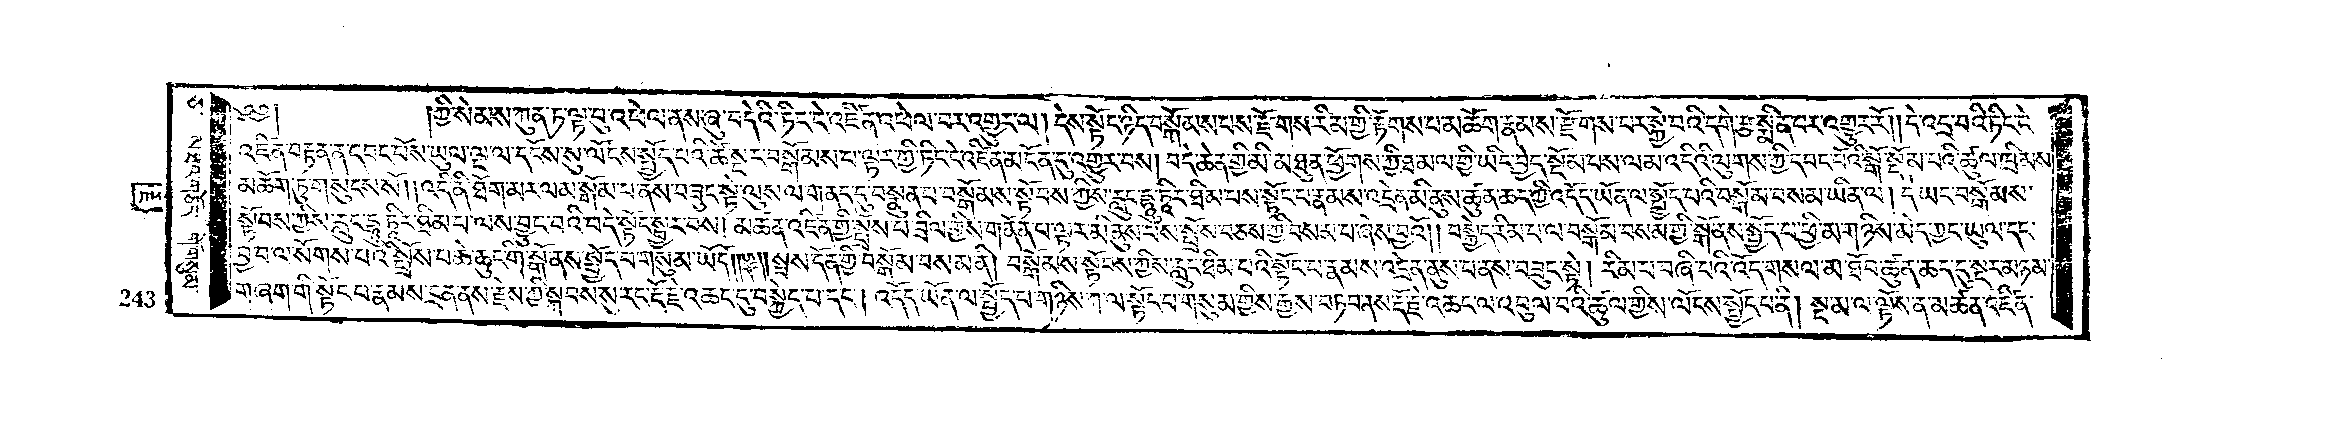༄༅། །ཀྱི་སེམས་ཀུན་ཏ་ལྟ་བུ་འཕེལ་ནས་ཞུ་བདེའི་ཏིང་ངེ་འཛིན་འཕེལ་བར་འགྱུར་ལ། དེས་སྟོང་ཉིད་བསྒོམས་པས་རྫོགས་རིམ་གྱི་རྟོགས་པ་མཆོག་རྣམས་རྫོགས་པར་སྐྱེ་བའི་དགེ་རྩ་སྨིན་པར་འགྱུར་རོ། །དེ་འདྲ་བའི་ཏིང་ངེ་
འཛིན་བརྟན་ན་དབང་པོས་ཡུལ་ལྔ་ལ་དངོས་སུ་ལོངས་སྤྱོད་པའི་ཚེ་སྔར་བསྒོམས་པ་ལྟར་གྱི་ཏིང་ངེ་འཛིན་མངོན་དུ་འགྱུར་བས། བདེ་ཆེན་གྱི་མི་མཐུན་ཕྱོགས་ཀྱི་ཐ་མལ་གྱི་ཡིད་བྱེད་སྡོམ་པས་ལམ་འདིའི་ལུགས་ཀྱི་དབང་པོའི་སྒོ་སྡོམ་པའི་ཚུལ་ཁྲིམས་
མཆོག་ཏུ་གསུངས་སོ། །འདི་ནི་ཐོག་མར་ལམ་སྒོམ་པ་ནས་བཟུང་སྟེ་ལུས་ལ་གནད་དུ་བསྣུན་པ་བསྒོམས་སྟོབས་ཀྱིས་རླུང་དྷཱུ་ཏཱིར་ཐིམ་པས་སྟོང་པ་རྣམས་འདྲེན་མི་ནུས་ཚུན་ཆད་ཀྱི་འདོད་ཡོན་ལ་སྤྱོད་པའི་བསྒོམ་བསམ་ཡིན་ལ། དེ་ཡང་བསྒོམས་
སྟོབས་ཀྱིས་རླུང་དྷཱུ་ཏཱིར་ཐིམ་པ་ལས་བྱུང་བའི་བདེ་སྟོང་སྦྱར་བས། མཚན་འཛིན་གྱི་སྤྲོས་པ་ཟིལ་གྱིས་གནོན་པ་ལྟར་མི་ནུས་པས་སྤྲོས་བཅས་ཀྱི་བསམ་པ་ཞེས་བྱའོ། །བསྐྱེད་རིམ་པ་ལ་བསྒོམ་བསམ་གྱི་སྒོ་ནས་སྤྱོད་པ་ཕྱི་མ་གཉིས་མེད་ཀྱང་ཡུལ་དང་
བྱ་བ་ལ་སོགས་པའི་སྤྲོས་པ་ཆེ་ཆུང་གི་སྒོ་ནས་སྤྱོད་པ་གསུམ་ཡོད་དོ།། ༈ །།སྦས་དོན་གྱི་བསྒོམ་བསམ་ནི། བསྒོམས་སྟོབས་ཀྱིས་རླུང་ཐིམ་པའི་སྟོང་པ་རྣམས་འདྲེན་ནུས་པ་ནས་བཟུང་སྟེ། རིམ་པ་བཞི་པའི་འོད་གསལ་མ་ཐོབ་ཚུན་ཆད་དུ་སྔར་མཉམ་
གཞག་གི་སྟོང་པ་རྣམས་དྲན་ནས་རྗེས་ཀྱི་སྐབས་སུ་རང་རྡོ་རྗེ་འཆང་དུ་བསྐྱེད་པ་དང་། འདོད་ཡོན་ལ་སྤྱོད་པ་གཉིས་ཀ་ལ་སྟོང་པ་གསུམ་གྱིས་རྒྱས་བཏབ་ནས་རྡོ་རྗེ་འཆང་ལ་འབུལ་བའི་ཚུལ་གྱིས་ལོངས་སྤྱོད་པ་ནི། སྔ་མ་ལ་ལྟོས་ན་མཚན་འཛིན་